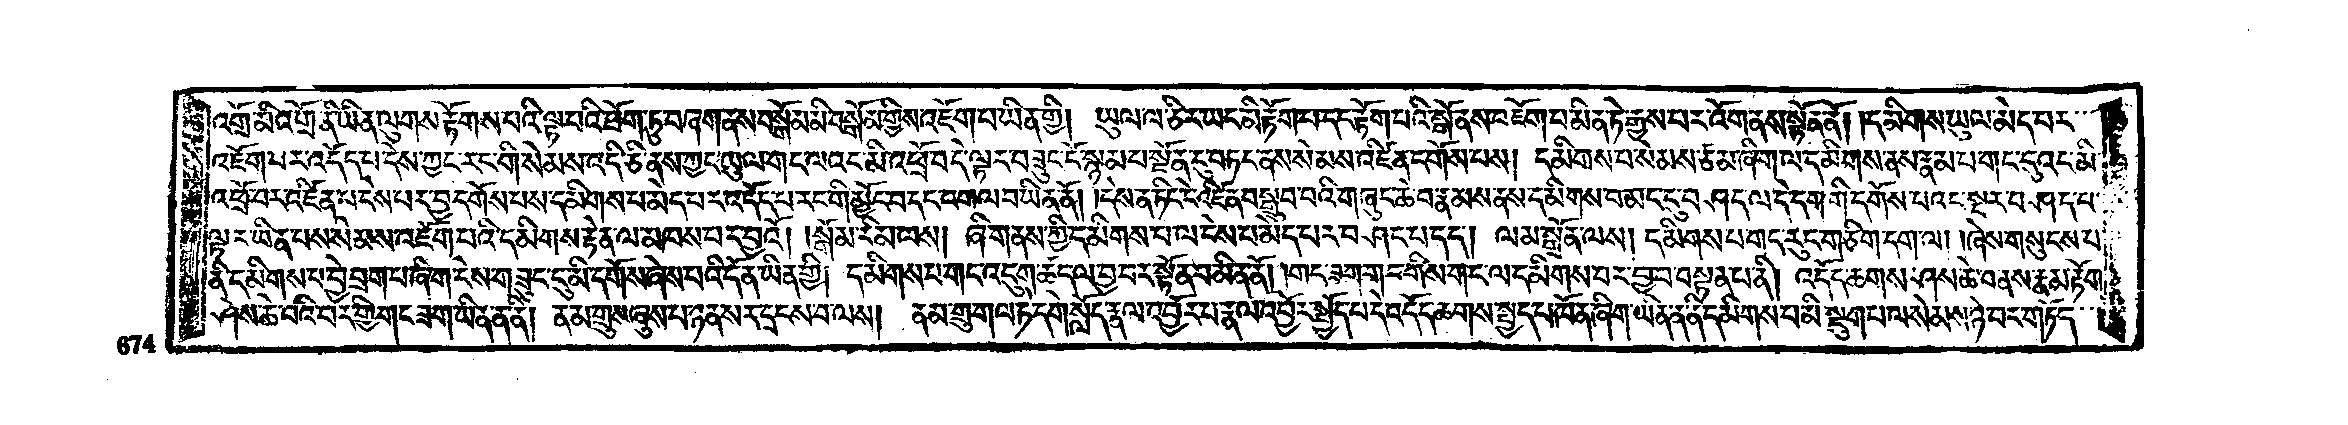འགྲོ་མི་འགྲོ་ནི་ཡིན་ལུགས་རྟོགས་པའི་ལྟ་བའི་ཐོག་ཏུ་བཞག་ནས་བསྒོམ་མི་བསྒོམ་གྱིས་འཇོག་པ་ཡིན་གྱི། ཡུལ་ལ་ཅིར་ཡང་མི་རྟོག་པ་དང་རྟོག་པའི་སྒོ་ནས་འཇོག་པ་མིན་ཏེ་རྒྱས་པར་འོག་ནས་སྟོན་ནོ། །དམིགས་ཡུལ་མེད་པར་
འཇོག་པར་འདོད་པ་དེས་ཀྱང་རང་གི་སེམས་འདི་ཅི་ནས་ཀྱང་ཡུལ་གང་ལའང་མི་འཕྲོ་བ་དེ་ལྟར་བཟུང་ངོ་སྙམ་པ་སྔོན་དུ་བཏང་ནས་སེམས་འཛིན་དགོས་པས། དམིགས་པ་སེམས་ཙམ་ཞིག་ལ་དམིགས་ནས་རྣམ་པ་གང་དུའང་མི་
འཕྲོ་བར་འཛིན་པ་ངེས་པར་བྱ་དགོས་པས་དམིགས་པ་མེད་པར་འདོད་པ་རང་གི་མྱོང་བ་དང་འགལ་བ་ཡིན་ནོ། །དེས་ན་ཏིང་ངེ་འཛིན་བསྒྲུབ་པའི་གཞུང་ཆེ་བ་རྣམས་ནས་དམིགས་པ་མང་དུ་བཤད་ལ་དེ་དག་གི་དགོས་པའང་སྔར་བཤད་པ་
ལྟར་ཡིན་པས་སེམས་འཇོག་པའི་དམིགས་རྟེན་ལ་མཁས་པར་བྱའོ། །སྒོམ་རིམ་ལས། ཞི་གནས་ཀྱི་དམིགས་པ་ལ་ངེས་པ་མེད་པར་བཤད་པ་དང་། ལམ་སྒྲོན་ལས། དམིགས་པ་གང་རུང་གཅིག་དག་ལ། །ཞེས་གསུངས་པ་
ནི་དམིགས་པ་བྱེ་བྲག་པ་ཞིག་ངེས་གཟུང་དུ་མི་དགོས་ཞེས་པའི་དོན་ཡིན་གྱི། དམིགས་པ་གང་འདུག་ཚད་ལ་བྱ་བར་སྟོན་པ་མིན་ནོ། །གང་ཟག་གང་གིས་གང་ལ་དམིགས་པར་བྱ་བ་བསྟན་པ་ནི། འདོད་ཆགས་ཤས་ཆེ་བ་ནས་རྣམ་རྟོག་
ཤས་ཆེ་བའི་བར་གྱི་གང་ཟག་ཡིན་ན་ནི། ནམ་གྲུས་ཞུས་པ་ཉན་སར་དྲངས་པ་ལས། ནམ་གྲུ་གལ་ཏེ་དགེ་སློང་རྣལ་འབྱོར་པ་རྣལ་འབྱོར་སྤྱོད་པ་དེ་འདོད་ཆགས་སྤྱད་པ་ཁོ་ན་ཞིག་ཡིན་ན་ནི་དམིགས་པ་མི་སྡུག་པ་ལ་སེམས་ཉེ་བར་གཏོད་